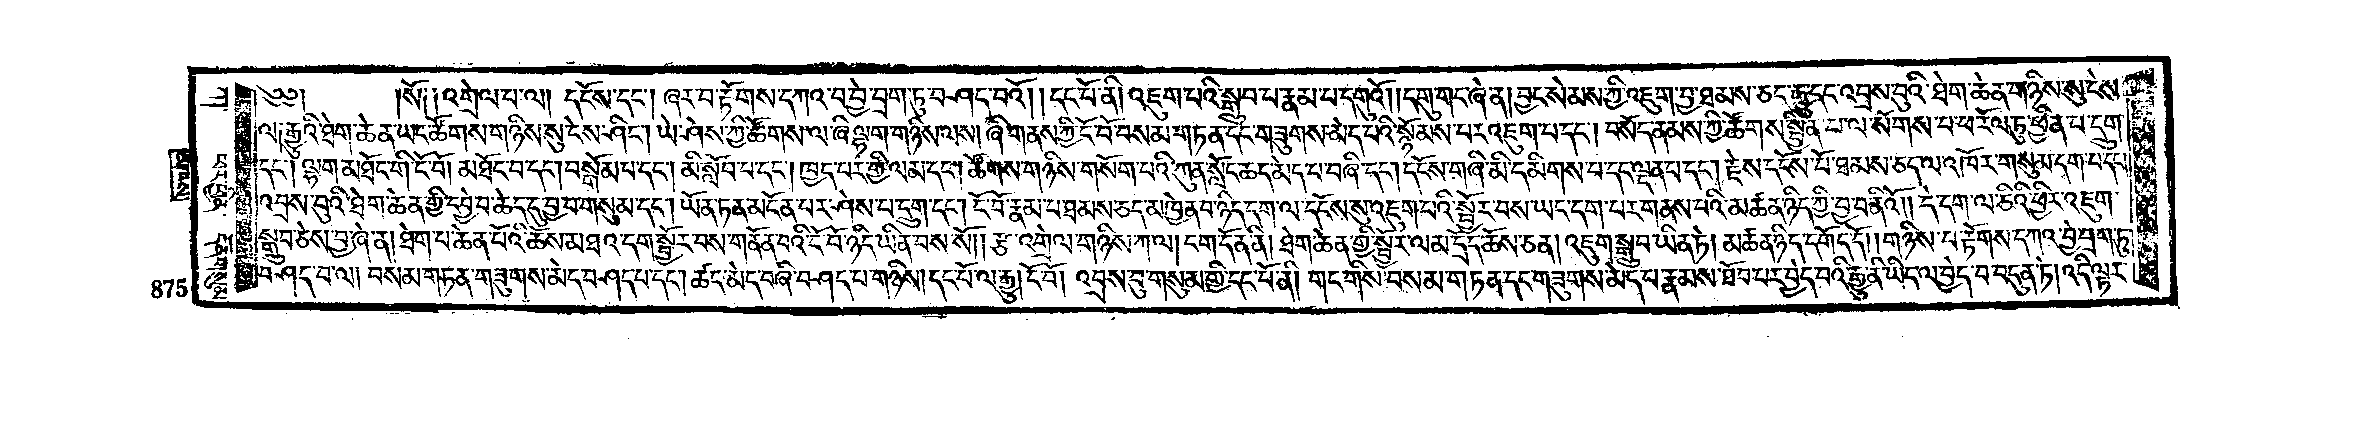༄༅། །སོ༑ ༑འགྲེལ་པ་ལ། དངོས་དང་། ཞར་བ་རྟོགས་དཀའ་བ་བྱེ་བྲག་ཏུ་བཤད་པའོ། །དང་པོ་ནི། འཇུག་པའི་སྒྲུབ་པ་རྣམ་པ་དགུའོ། །དགུ་གང་ཞེ་ན། བྱང་སེམས་ཀྱི་འཇུག་བྱ་ཐམས་ཅད་རྒྱུ་དང་འབྲས་བུའི་ཐེག་ཆེན་གཉིས་སུ་ངེས་
ལ༑ རྒྱུའི་ཐེག་ཆེན་ཡང་ཚོགས་གཉིས་སུ་ངེས་ཤིང་། ཡེ་ཤེས་ཀྱི་ཚོགས་ལ་ཞི་ལྷག་གཉིས་ལས། ཞི་གནས་ཀྱི་ངོ་བོ་བསམ་གཏན་དང་གཟུགས་མེད་པའི་སྙོམས་པར་འཇུག་པ་དང་། བསོད་ནམས་ཀྱི་ཚོགས་སྦྱིན་པ་ལ་སོགས་པ་ཕ་རོལ་ཏུ་ཕྱིན་པ་དྲུག་
དང༑ ལྷག་མཐོང་གི་ངོ་བོ། མཐོང་བ་དང་། བསྒོམ་པ་དང་། མི་སློབ་པ་དང་། ཁྱད་པར་གྱི་ལམ་དང་། ཚོགས་གཉིས་གསོག་པའི་ཀུན་སློང་ཆད་མེད་པ་བཞི་དང་། དངོས་གཞི་མི་དམིགས་པ་དང་ལྡན་པ་དང་། རྗེས་དངོས་པོ་ཐམས་ཅད་ལ་འཁོར་གསུམ་དག་པ་དང་།
འབྲས་བུའི་ཐེག་ཆེན་གྱི་དབྱེ་བ་ཆེད་དུ་བྱ་བ་གསུམ་དང་། ཡོན་ཏན་མངོན་པར་ཤེས་པ་དྲུག་དང་། ངོ་བོ་རྣམ་པ་ཐམས་ཅད་མཁྱེན་པ་ཉིད་དག་ལ་དངོས་སུ་འཇུག་པའི་སྦྱོར་བས་ཡང་དག་པར་གནས་པའི་མཚན་ཉིད་ཀྱི་བྱ་བ་ནིའོ། །དེ་དག་ལ་ཅིའི་ཕྱིར་འཇུག་
སྒྲུབ་ཅེས་བྱ་ཞེ་ན། ཐེག་པ་ཆེན་པོའི་ཆོས་མཐའ་དག་སྦྱོར་བས་གནོན་པའི་ངོ་བོ་ཉིད་ཡིན་པས་སོ། །རྩ་འགྲེལ་གཉིས་ཀ་ལ། ངག་དོན་ནི། ཐེག་ཆེན་གྱི་སྦྱོར་ལམ་དྲོད་ཆོས་ཅན། འཇུག་སྒྲུབ་ཡིན་ཏེ། མཚན་ཉིད་དགོད་དོ། །གཉིས་པ་རྟོགས་དཀའ་བྱེ་བྲག་ཏུ་
བཤད་པ་ལ། བསམ་གཏན་གཟུགས་མེད་བཤད་པ་དང་། ཚད་མེད་བཞི་བཤད་པ་གཉིས། དང་པོ་ལ་རྒྱུ། ངོ་བོ། འབྲས་བུ་གསུམ་གྱི་དང་པོ་ནི། གང་གིས་བསམ་གཏན་དང་གཟུགས་མེད་པ་རྣམས་ཐོབ་པར་བྱེད་པའི་རྒྱུ་ནི་ཡིད་ལ་བྱེད་པ་བདུན་ཏེ། འདི་ལྟར་